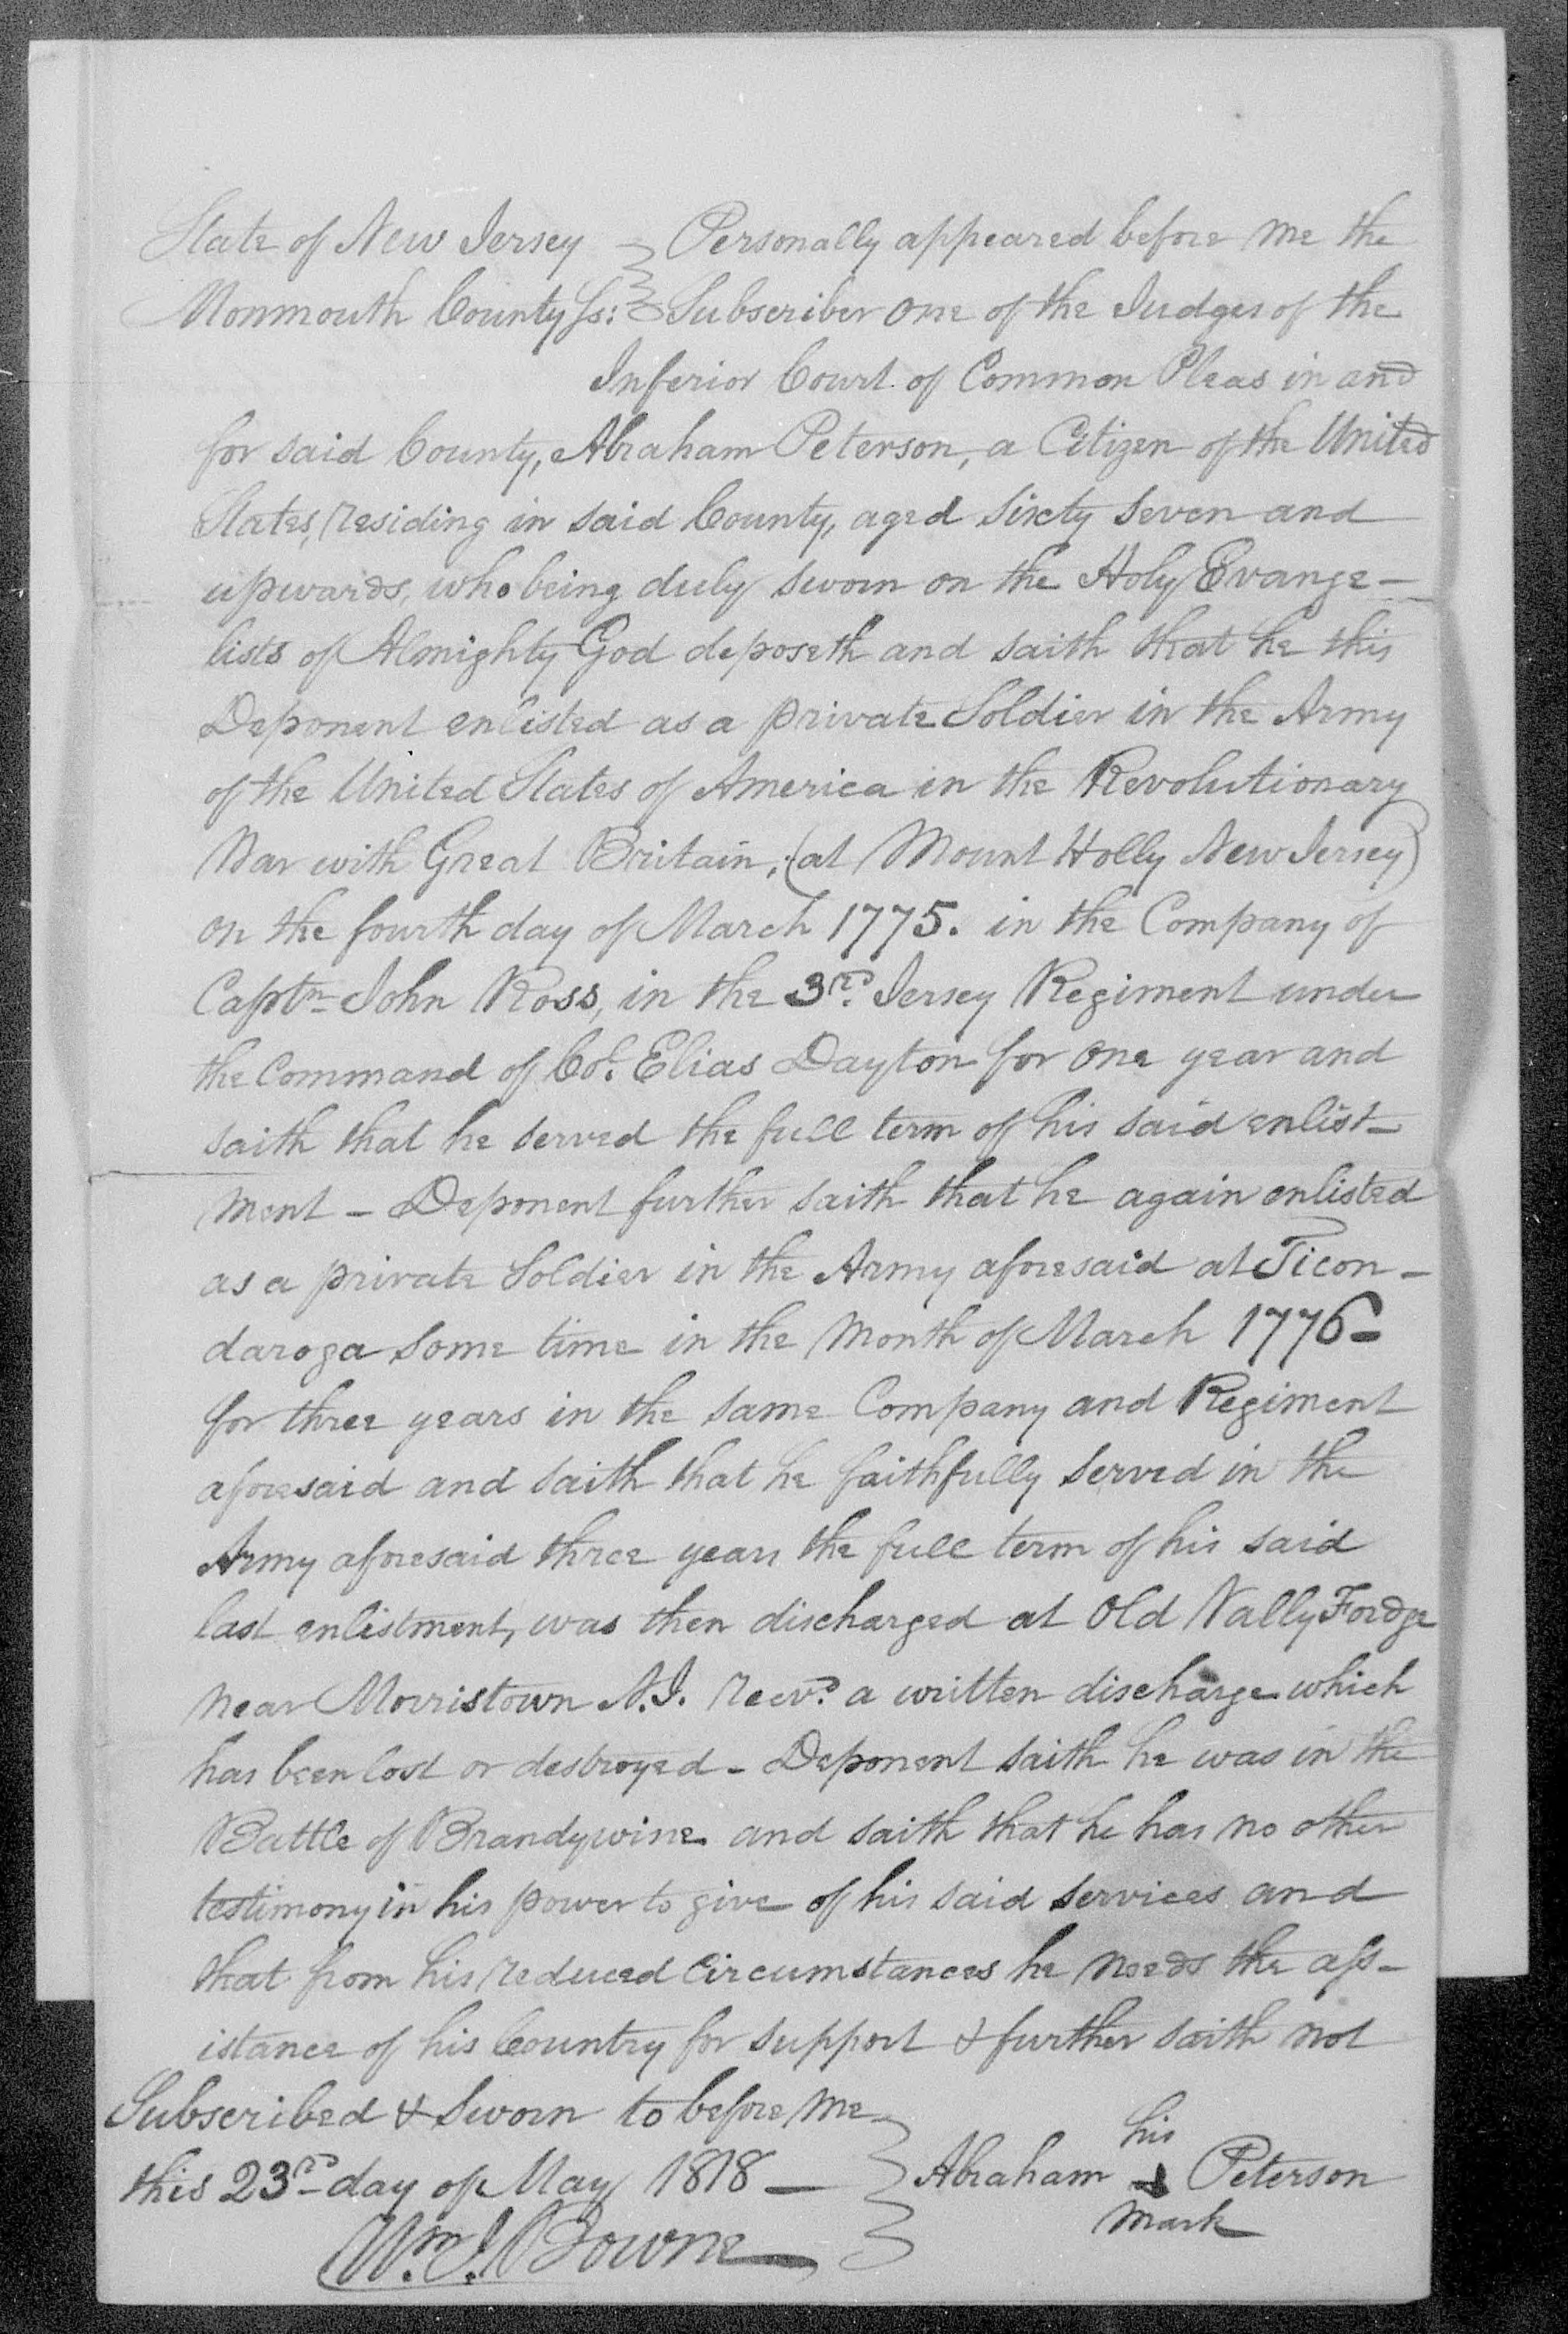State of New Jersey
Monmouth County ss: ⎬ 

Personally appeared before me the
 Subscriber one of the Judges of the
Inferior Court of Common Pleas in and
for said County, Abraham Peterson, a Citizen of the United States, residing in said County, aged Sixty Seven and
upwards, who being duly sworn on the Holy Evange -
lists of Almighty God deposeth and saith that he this
Deponent enlisted as a private Soldier in the Army
of the United States of America in the Revolutionary War
with Great Britain, (at Mount Holly New Jersey)
on the fourth day of March 1775 in the Company of
Capt John Ross in the 3rd Jersey Regiment under 
the command of Col Elias Dayton for one year and
saith that he served the full term of his said enlistment
- Deponent further saith that he again enlisted
as a private Soldier in the Army aforesaid at Ticonderoga
some time in the month of March 1776-
for three years in the same Company and Regiment
aforesaid and saith that he faithfully served in the
Army aforesaid three years the full term of his said
last enlistment was then discharged at Old Vally Forge
near Morristown N.J. recd a written discharge which
has been lost or destroyed. Deponent saith he was in the
Battle of Brandywine and saith that he has no other
testimony in his power to give of his said services and
that from his reduced circumstances he needs the assistance of his Country for support & further saith not

Subscribed & Sworn to before me         Abraham Peterson
this 23rd day of May 1818-                              his Mark

Wm. J. Bowne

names: Abraham Peterson; John Ross; Elias Dayton; Wm J Bowne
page: 4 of 12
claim: survivor's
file: S. 34,471, for Abraham Peterson, New Jersey